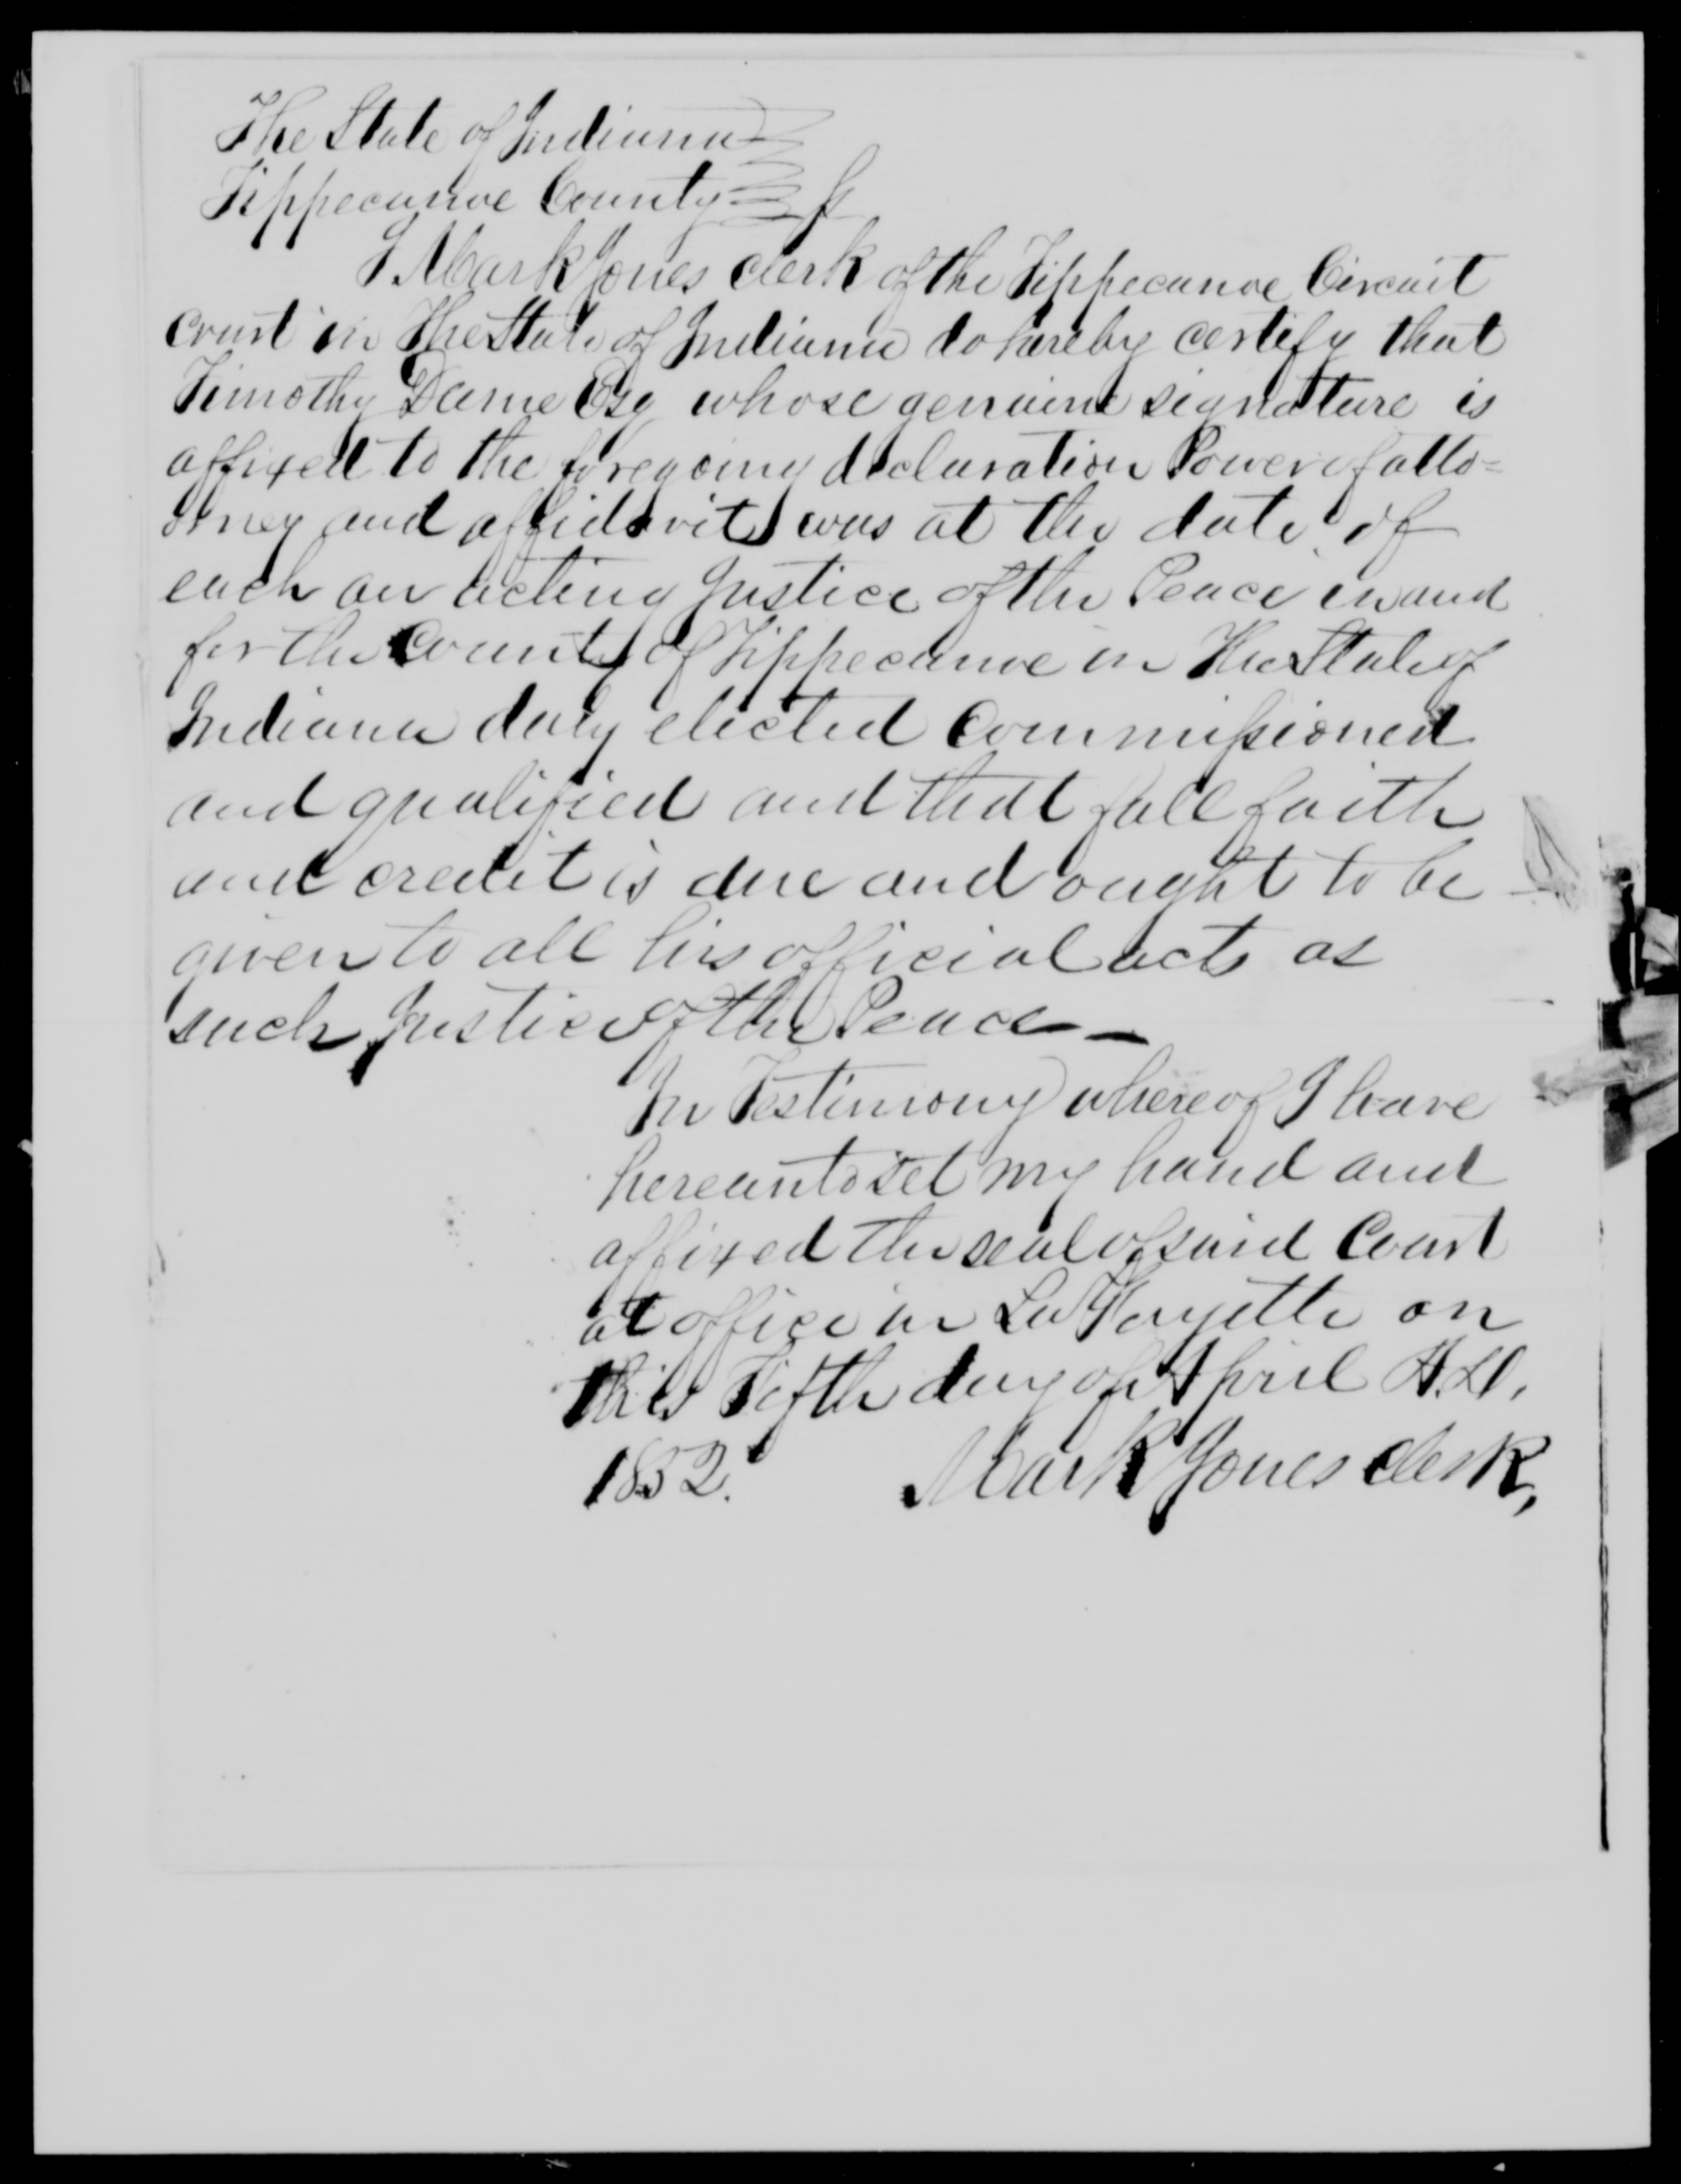The State of Indiana Tippecanoe County ss
I Mark Jones Clerk of the Tippecanoe Circuit
Court in the State of Indiana do hereby certify that
Timothy Dame Esq whose genuine signature is
affixed to the foregoing declaration, Power of attorney and affidavits was at the date of
each an acting Justice of the Peace in and
for the County of Tippecanoe in the State of
Indiana duly elected commissioned
and qualified and that full faith
and credit is due and ought to be
given to all his official acts as
such Justice of the Peace.
In Testimony whereof I have hereunto set my hand and affixed the seal of said Court at office in Lafayette on the Fifth day of April A.D. 1852.
Mark Jones Clerk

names: Timothy Dame, Mark Jones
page: 115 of 123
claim: rejected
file: R. 11,949, Matthias Young, Md.